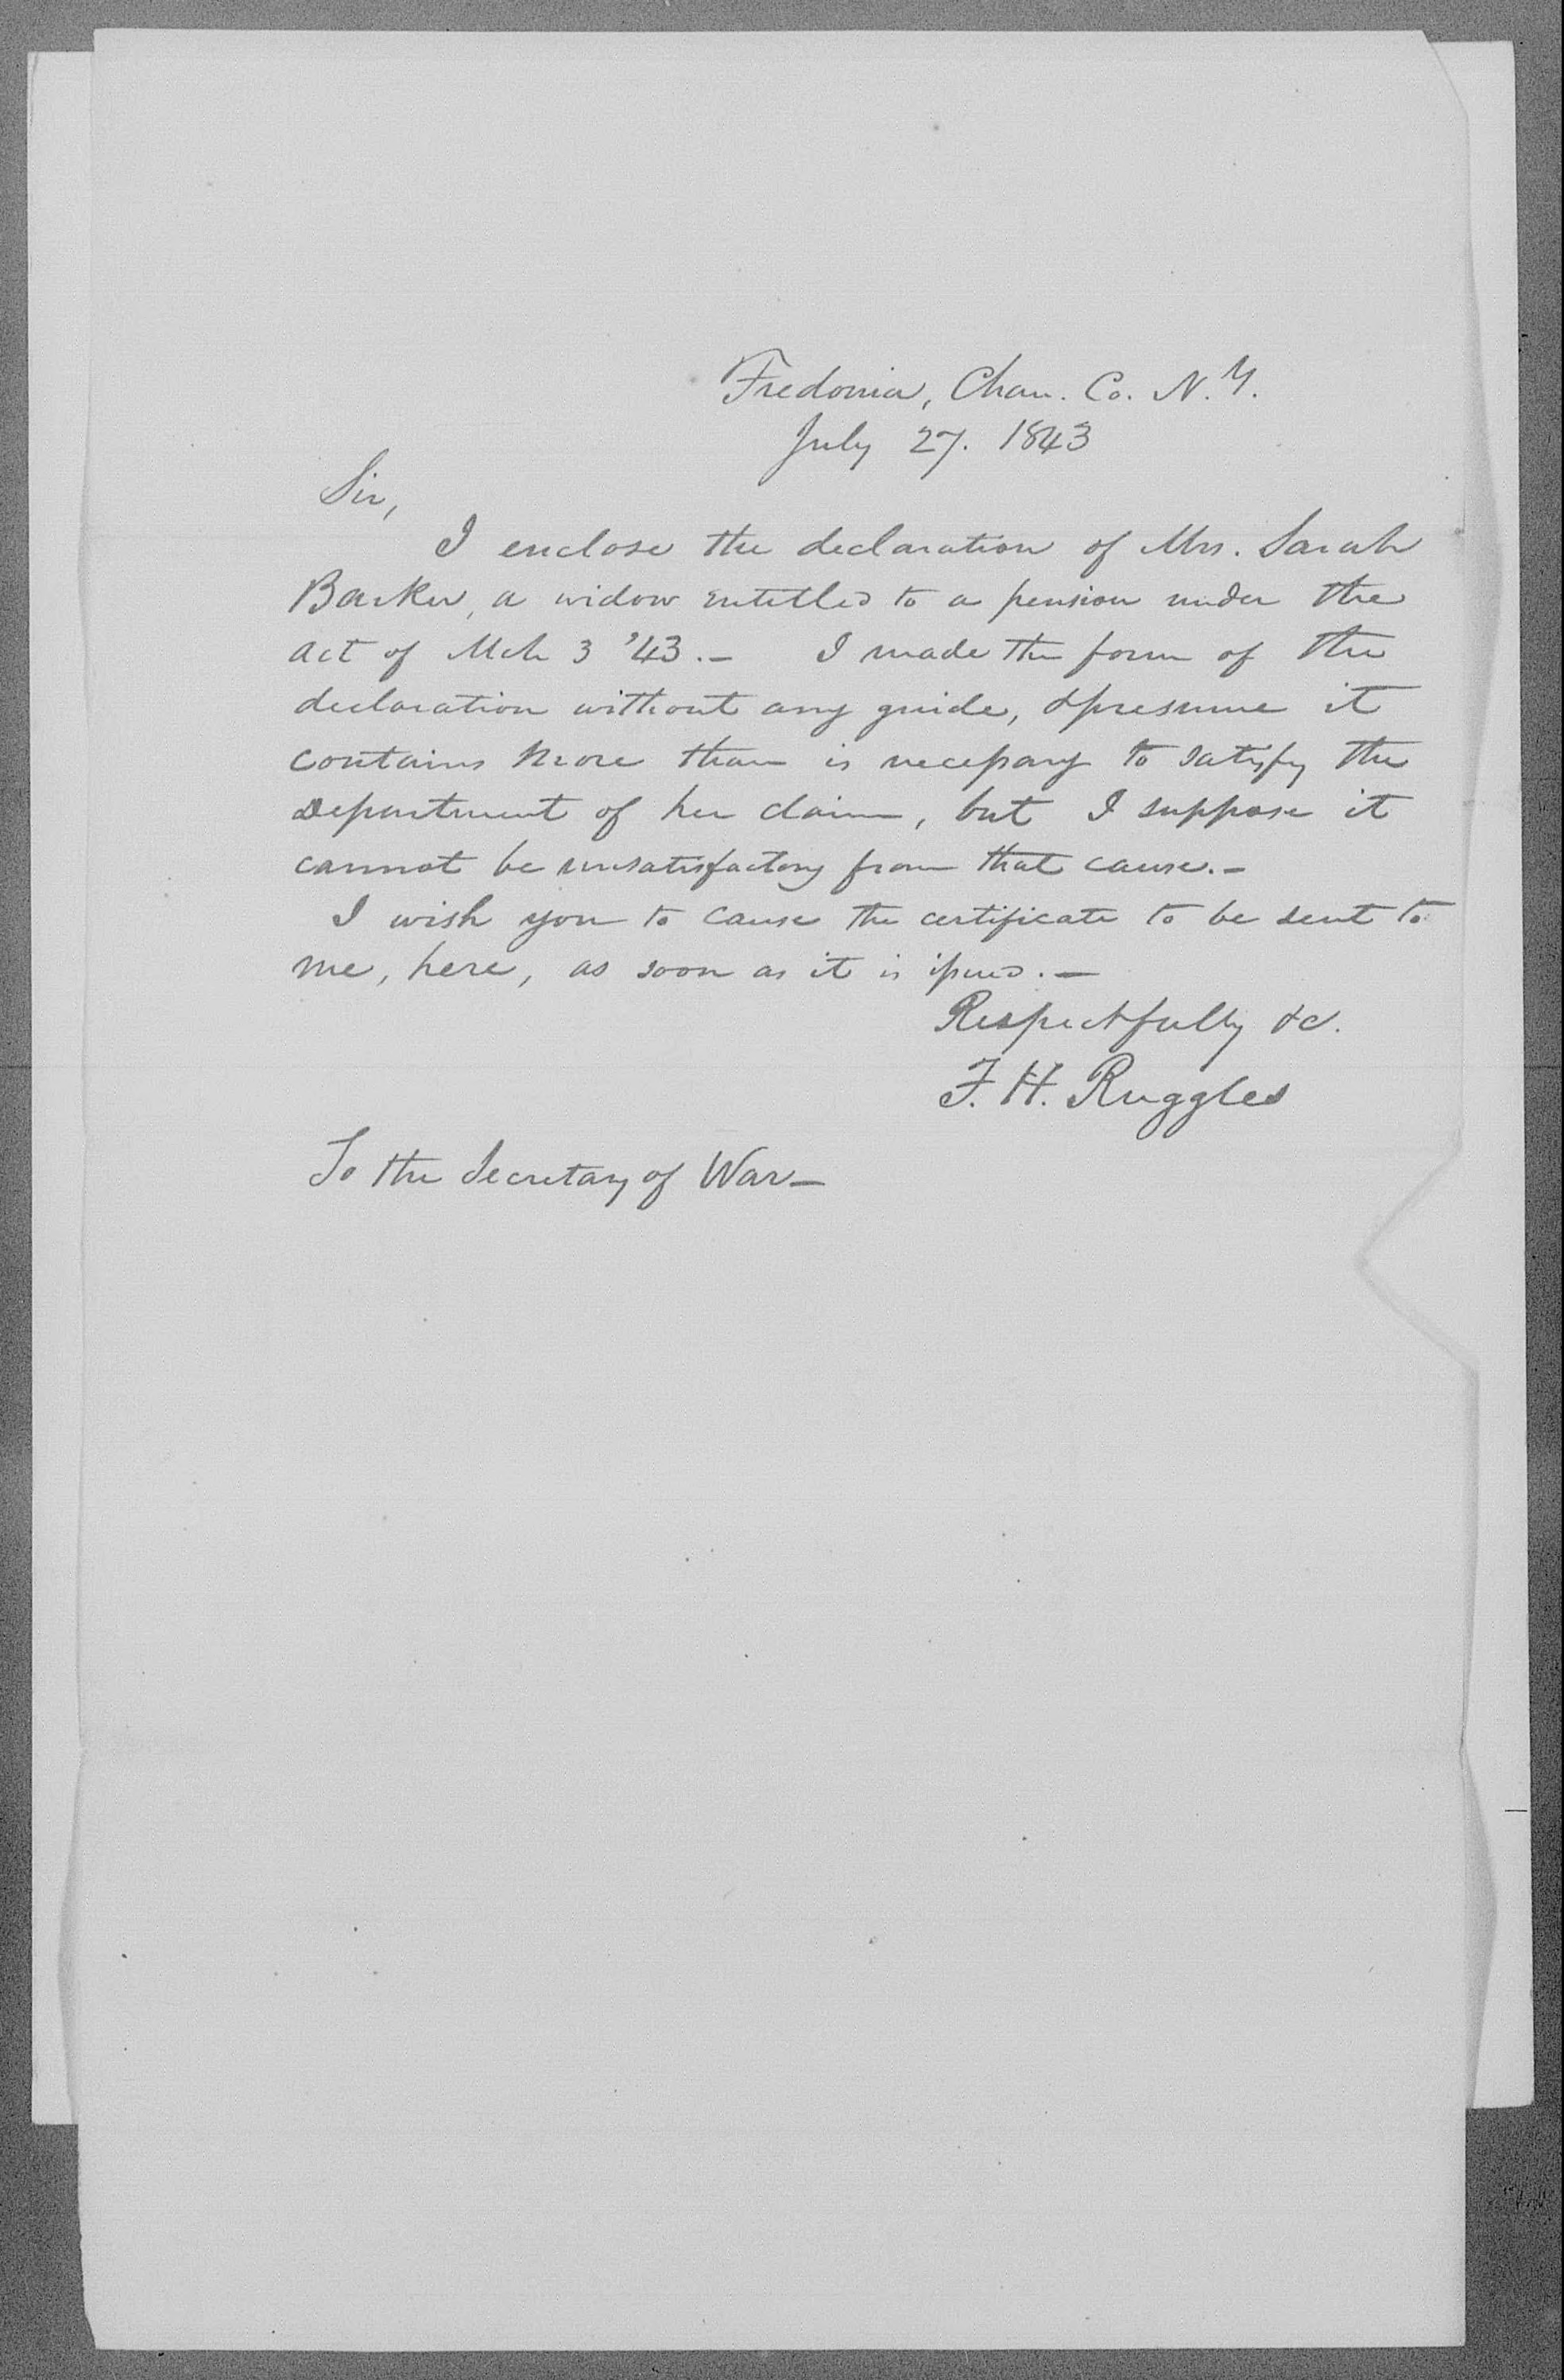Fredonia, Chau. Co. N. Y.
July 27, 1843
Sir,
I enclose the declaration of Mrs. Sarah Barker, a widow entitled to a pension under the Act of Mch. 3, ’43. I made the form of the declaration without any guide, & presume it contains more than is necessary to satisfy the Department of her claim, but I suppose it cannot be unsatisfactory from that cause.  
I wish you to cause the certificate to be sent to me here, as soon as it is issued.
Respectfully &c.
F. H. Ruggles
To the Secretary of War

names: F H Ruggles, Sarah Barker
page: 21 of 52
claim: widow's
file: W. 18,565, Hezekiah Barker, Continental R.I.